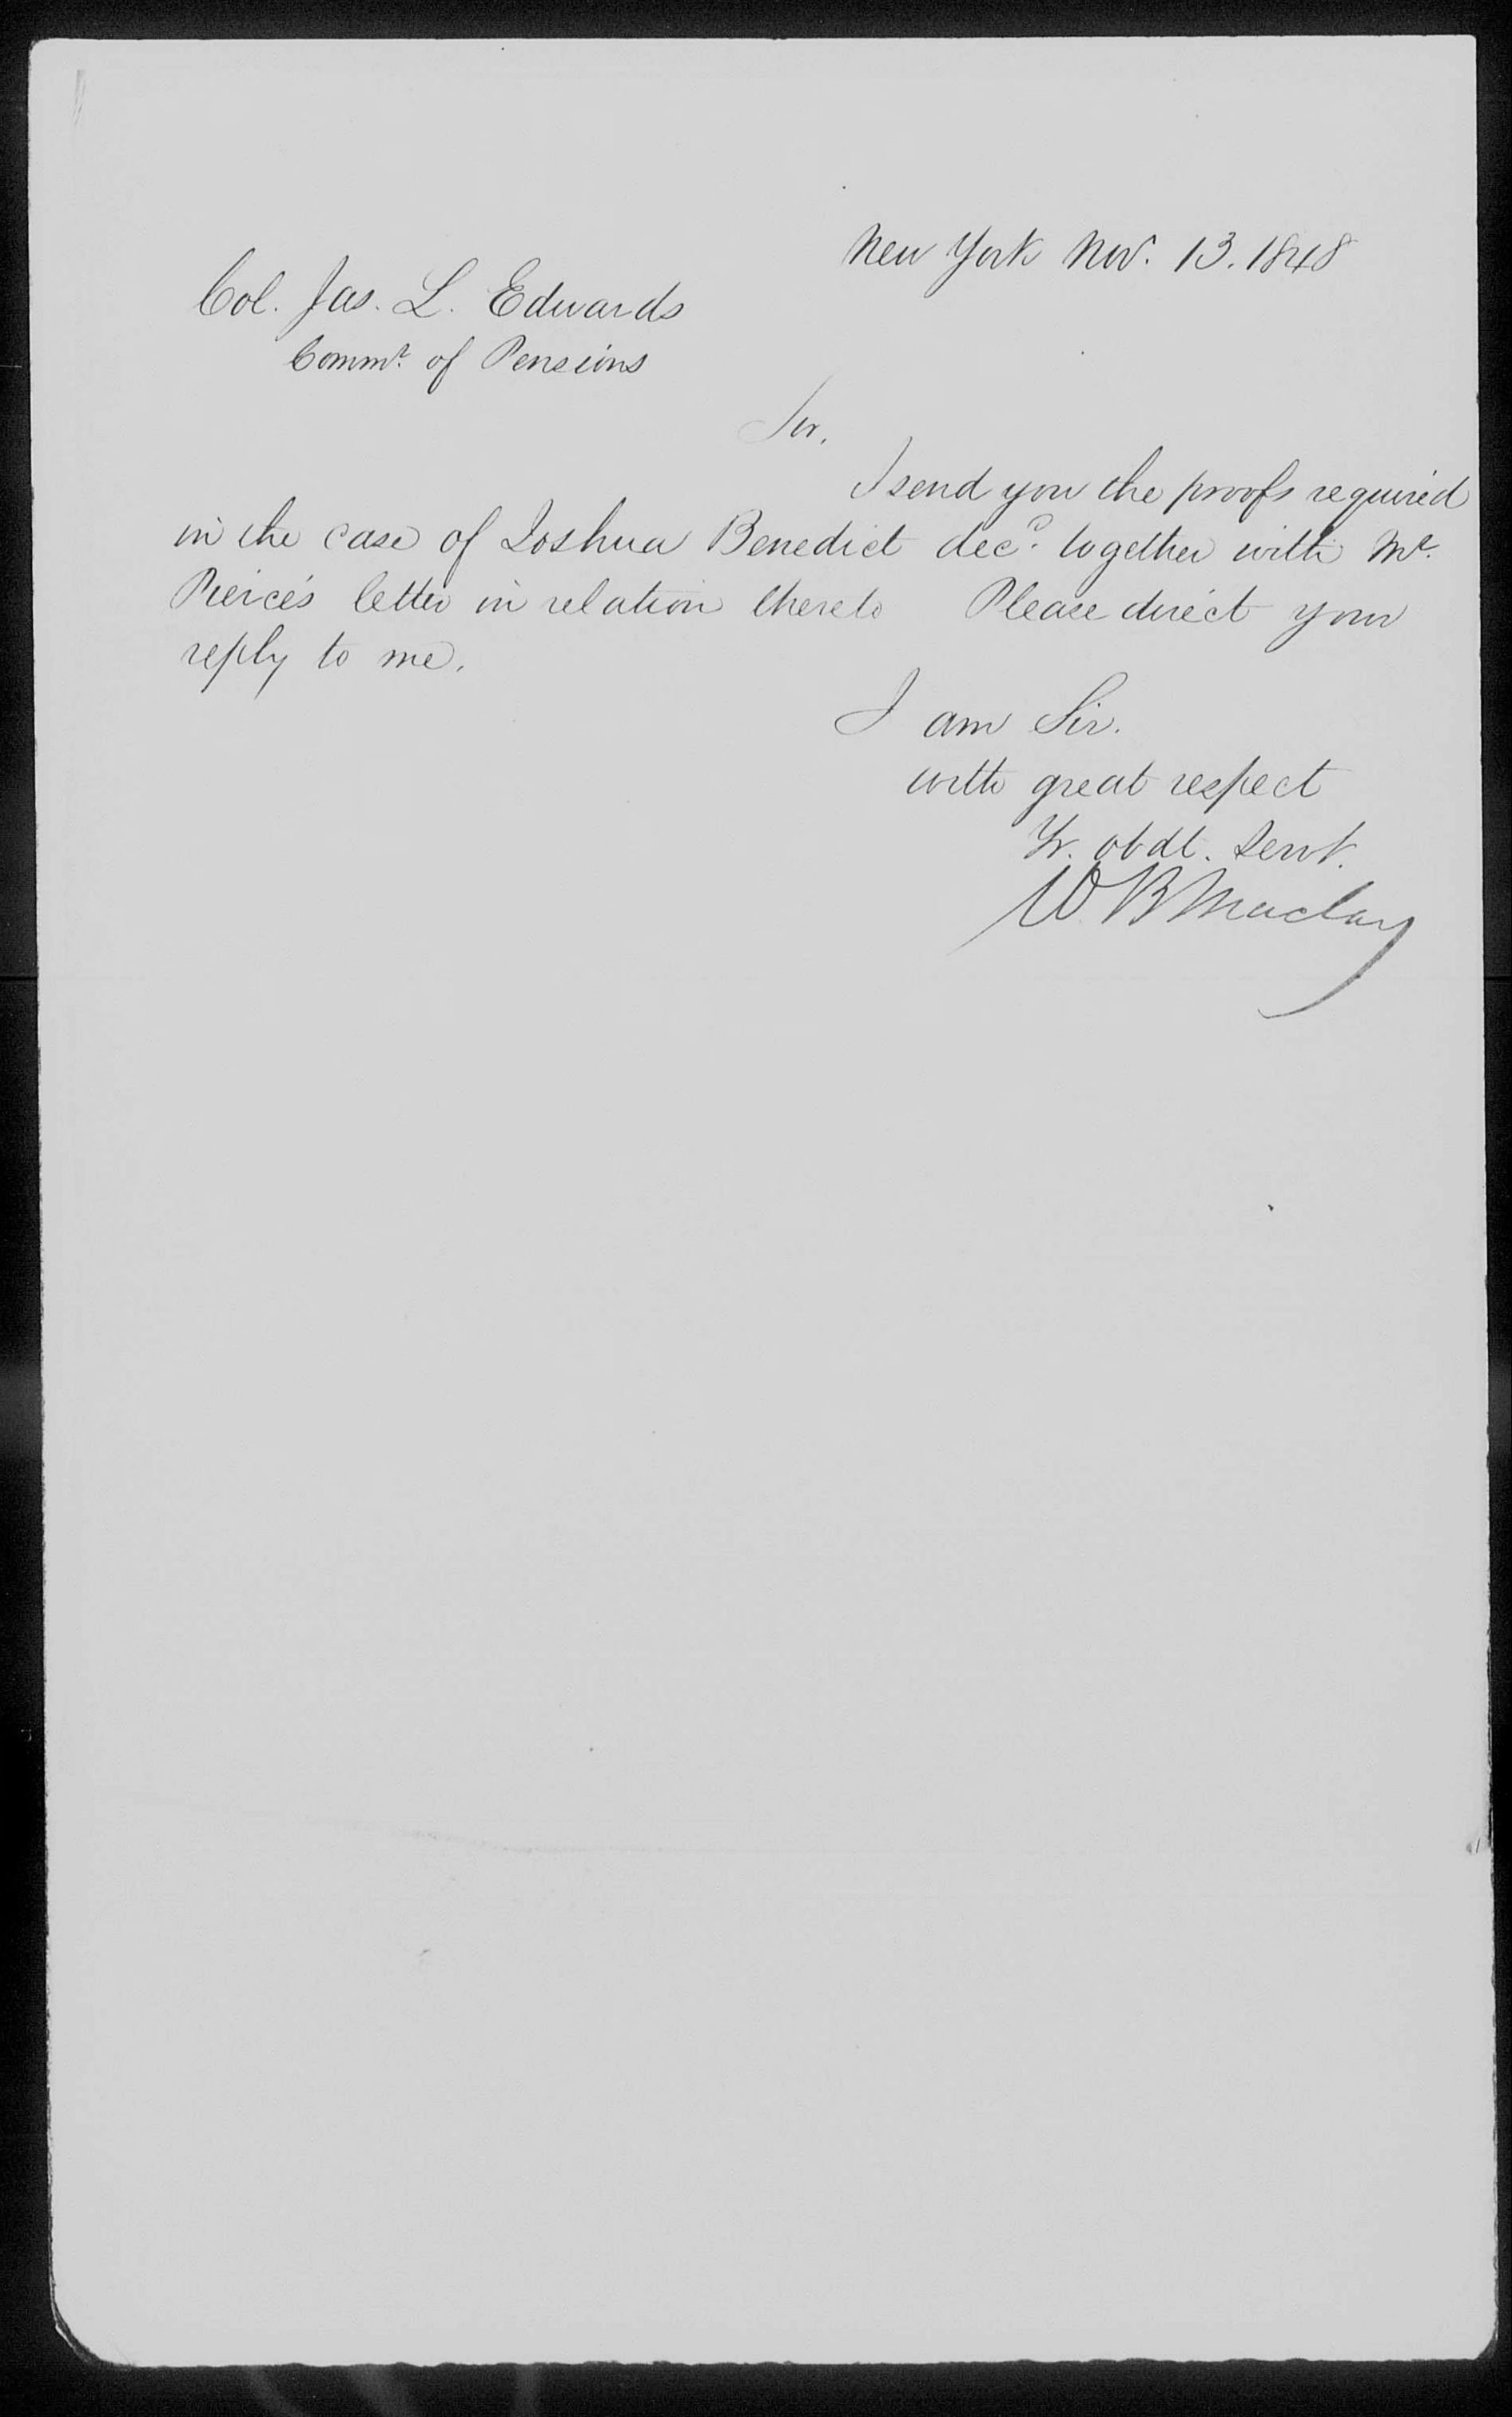New York Nov. 13. 1848

Col. Jas. L. Edwards
Commr. of Pensions

Sir,
I send you the proofs required in the case of Joshua Benedict decd. together with Mr. Pierce's letter in relation thereto Please direct your reply to me.

I am Sir,
with great respect
Yr. obdt. Servt.
W B Maclay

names: W B Maclay, Joshua Benedict, Jas L Edwards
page: 101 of 106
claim: survivor's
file: S 23,116., Joshua Benedict, Conn.